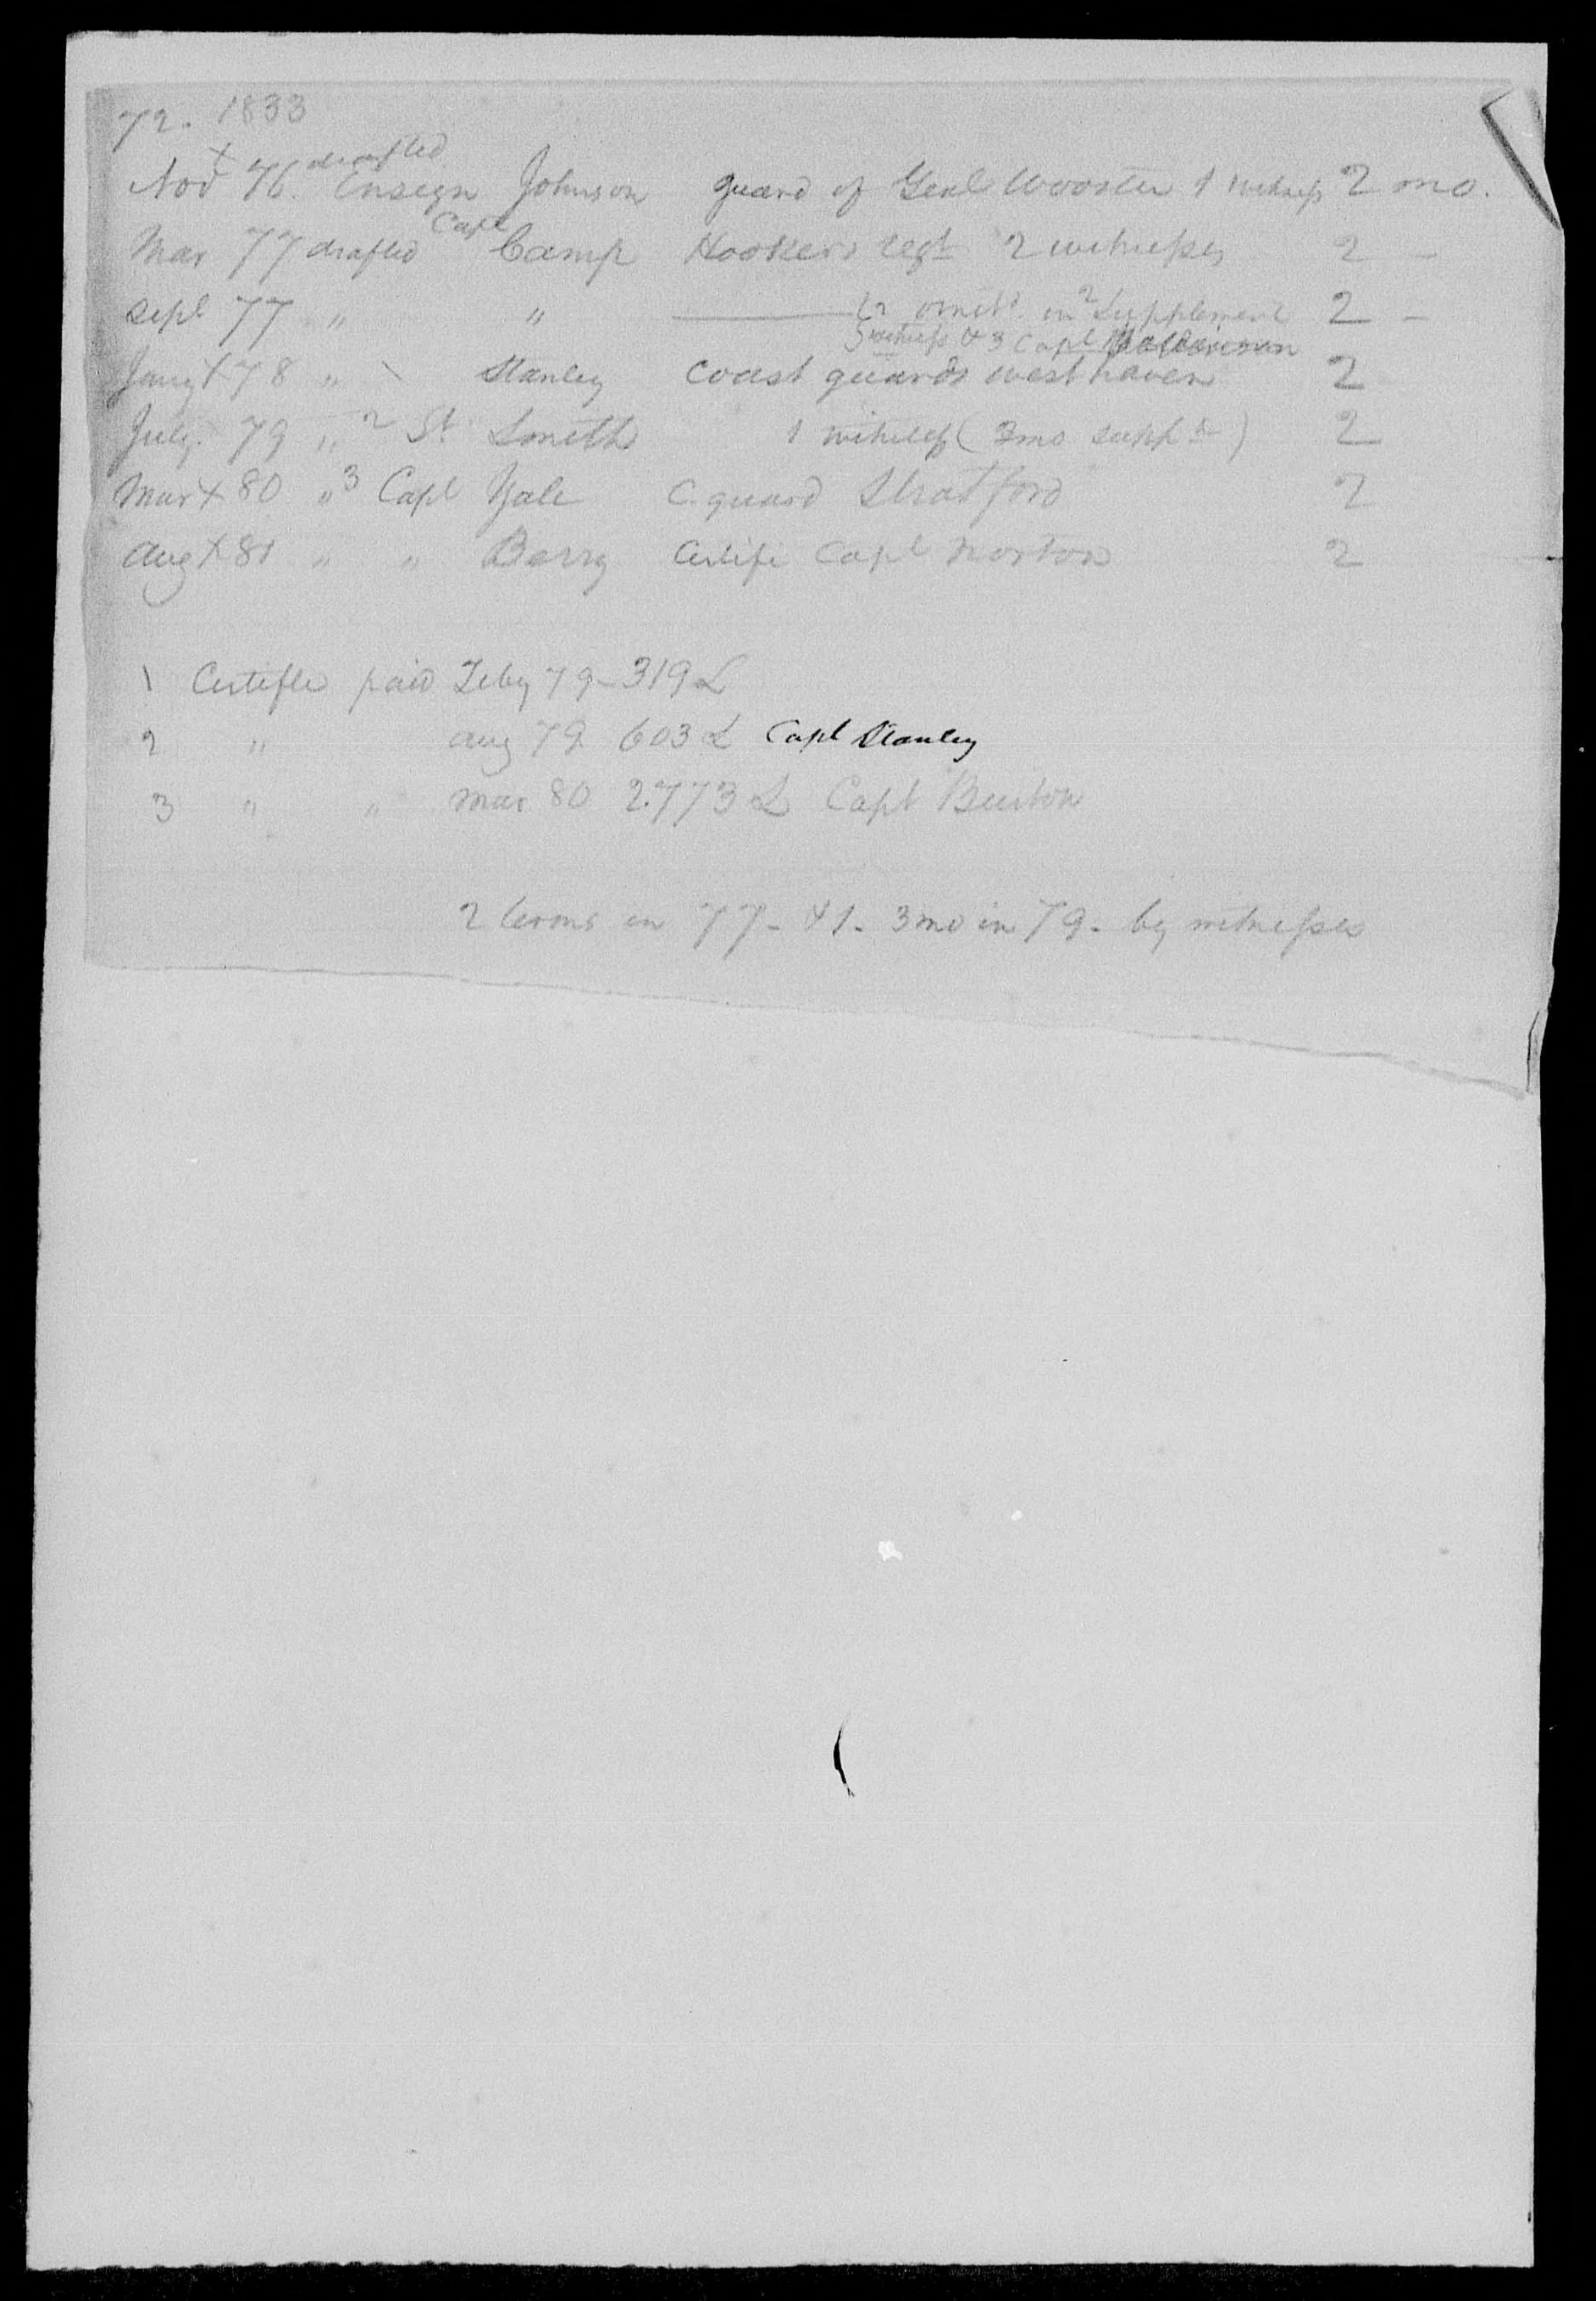72. 1833

Nov x76 drafted Ensign Johnson guard of Genl Wooster of witness 2 mo.
Mar 77 drafted Capt Camp Hookers Regt 2 witnesses 2 --
Sept 77  "       "  omit in Supplement Stanley
& Capt Watson  2--
Jany x78   "      Stanley court guards west haven  2--
July 79   "2  Lt Smith with of (2 mos sepp) 2 --
Mar x80  "3  Capt Yale guard Stratford 2--
Aug x81  "    " Berry Wife Capt Norton 2--

1 Certified paid Feby 79-319L
2      "           "     Aug 79 603L Capt Stanley
3      "           "     Mar 80  2.773L Capt Burton

2 terms in 77 T1-3 mo in 79. by witnesses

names: Barry, Burton, Smith, Baldwin, Johnson, Stanley, Camp, Stanley, Yale, Norton, Wooster, Stratford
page: 21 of 76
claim: widow's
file: W. 5,250, Timothy Coe, Conn.